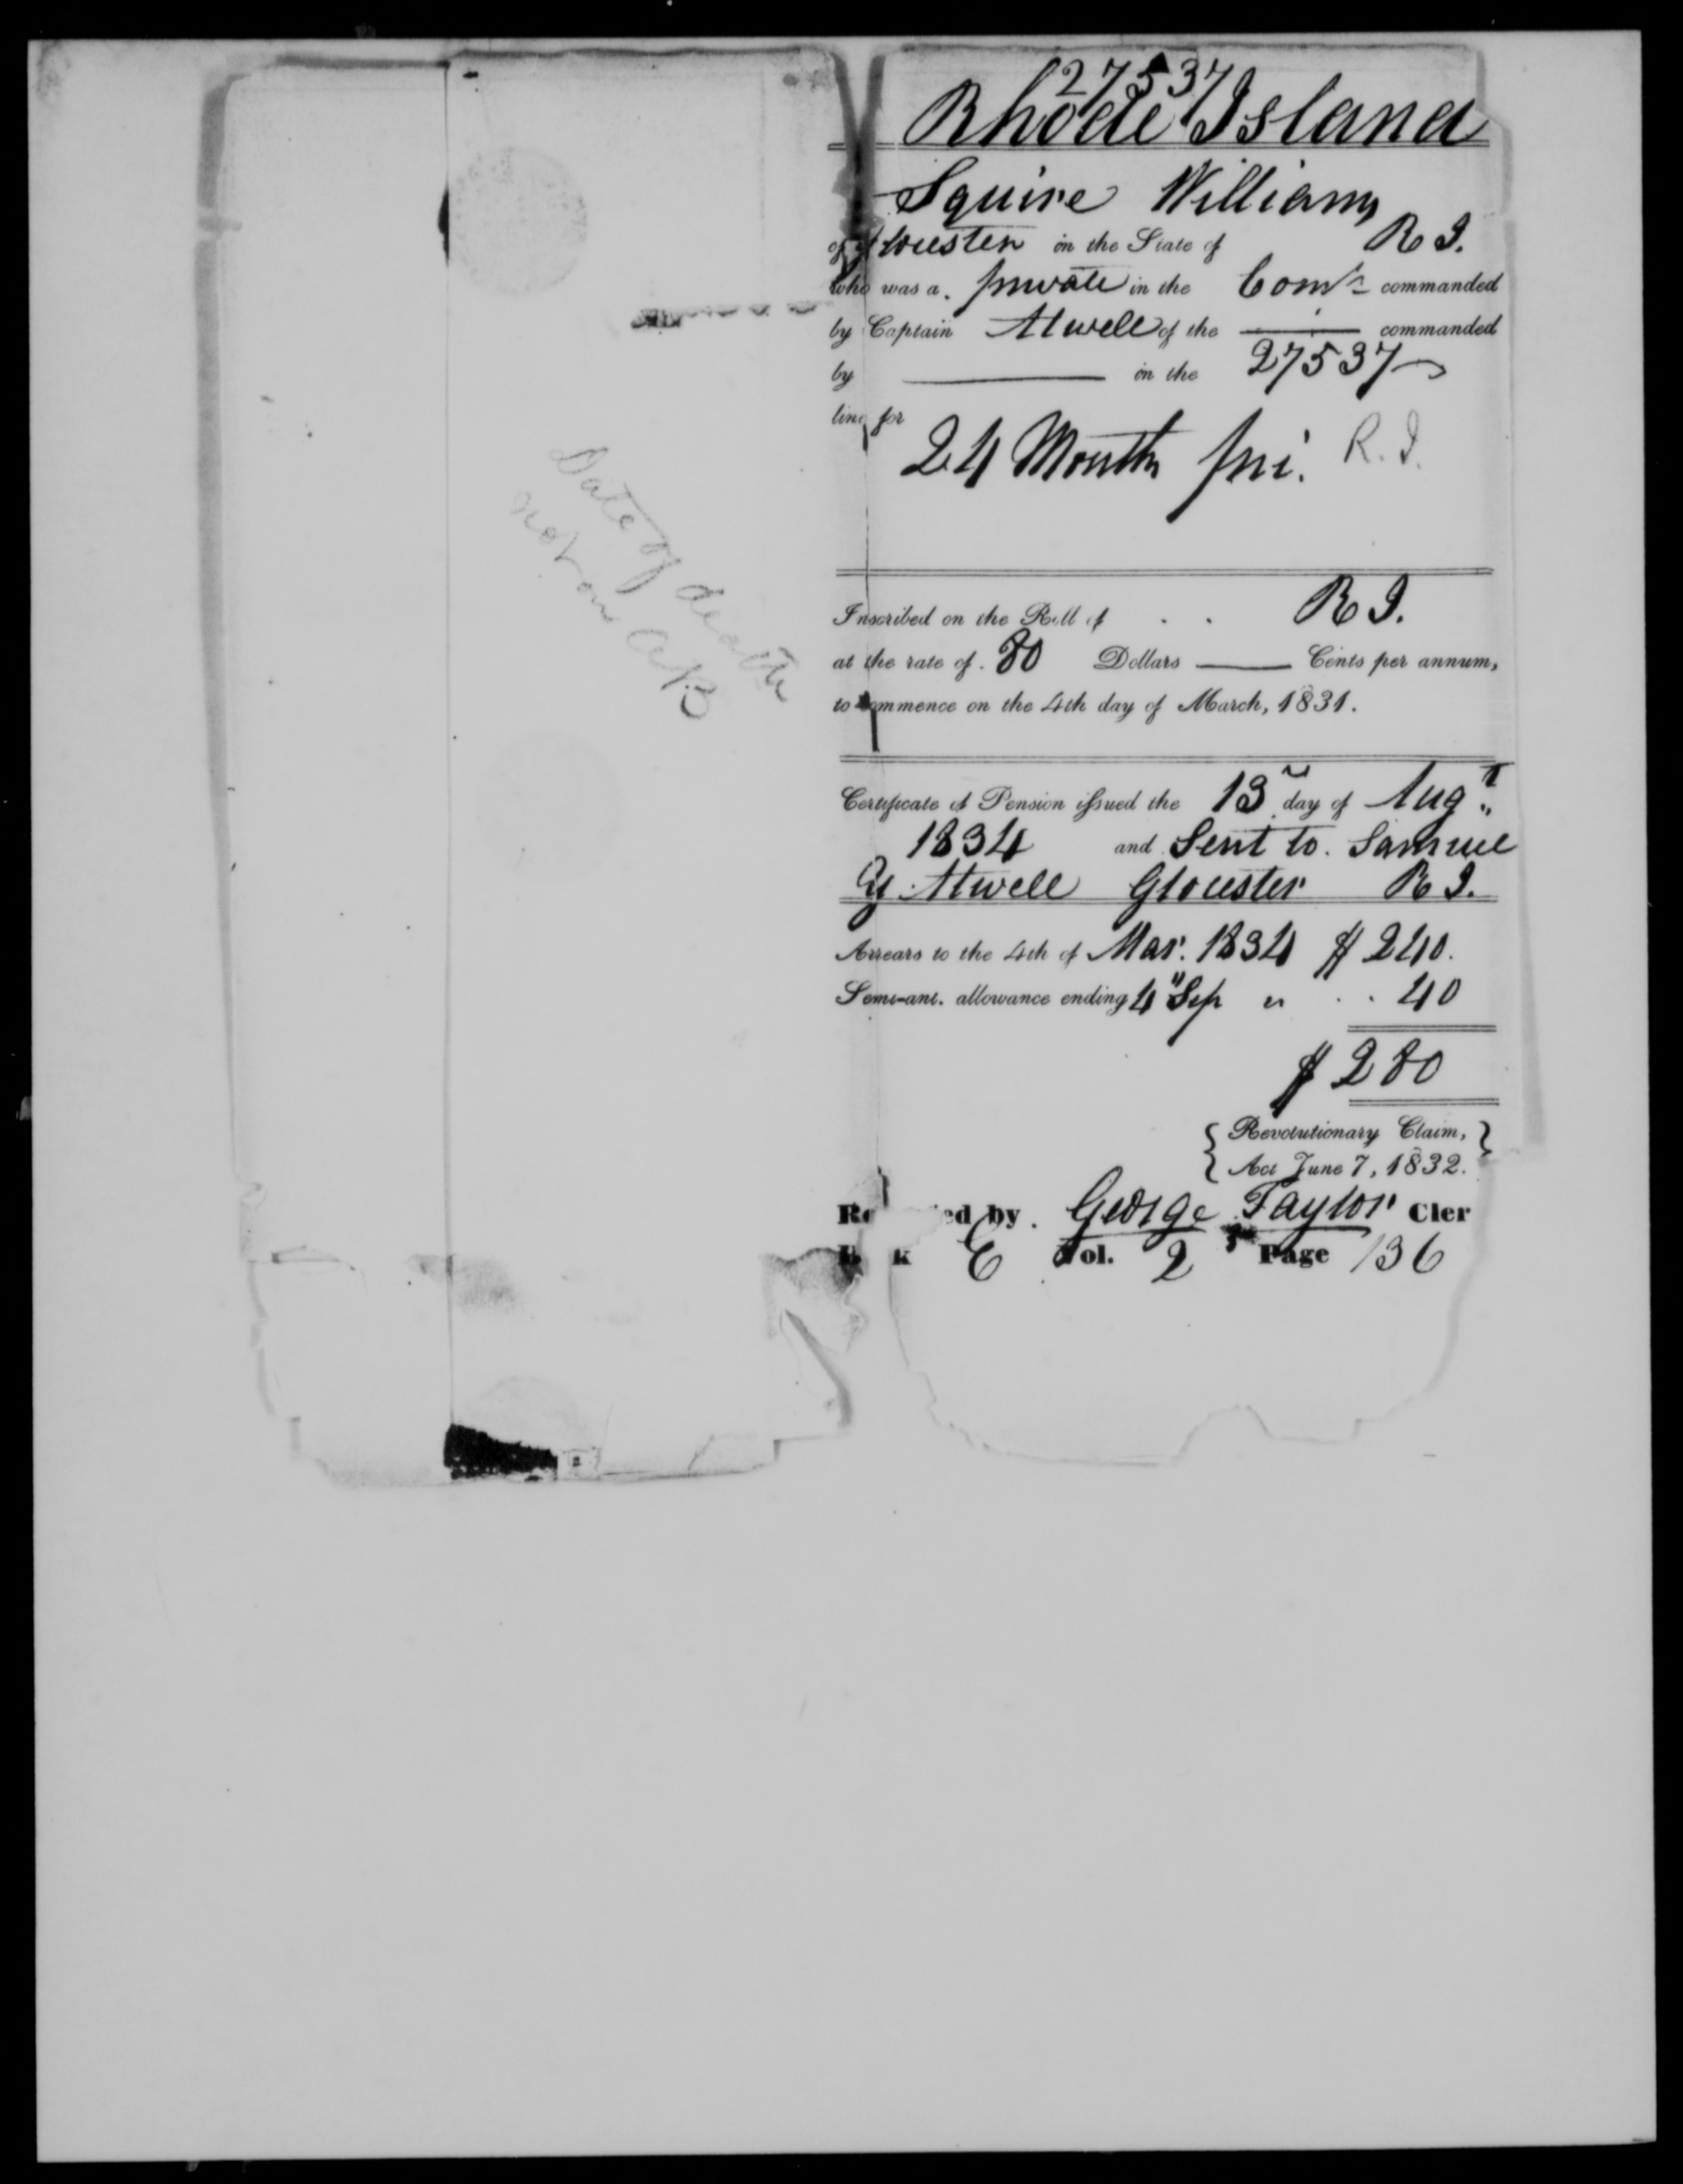R. L.         Williams, Squire    S. 21576
                                              carded

                     27537
            Rhode Island

Squire Williams

of Glocester in the state of R. I. 
who was a private in the Com commanded by Captain Atwell of the ____ commanded by ____ in the 27537 line for 24 Month Ini. R. I. 

Transcribed on the Roll of .. RI
at the rate of 80 Dollars ___ Cents per annum, to commence on the 4th day of March, 1831. 

Certificate of Pension issued the 13th day of Aug. 1834 and Sent to Samuel Y. Attwell Glocester R. I. 

Arrears to the 4th of Mar. 1834             $240.
Lemmas-ani. allowance ending 4 Sep in   40
                                                                $280

                                           Revolutionary Claim
                                             Act June 7, 1832

Reviewed by George Taylor Clerk
Vol 2 Pate 136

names: Atwell, George Taylor, Samuel Y Atwell, Squire Williams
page: 2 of 23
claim: survivor's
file: S. 21576, Squire Williams, R. I.